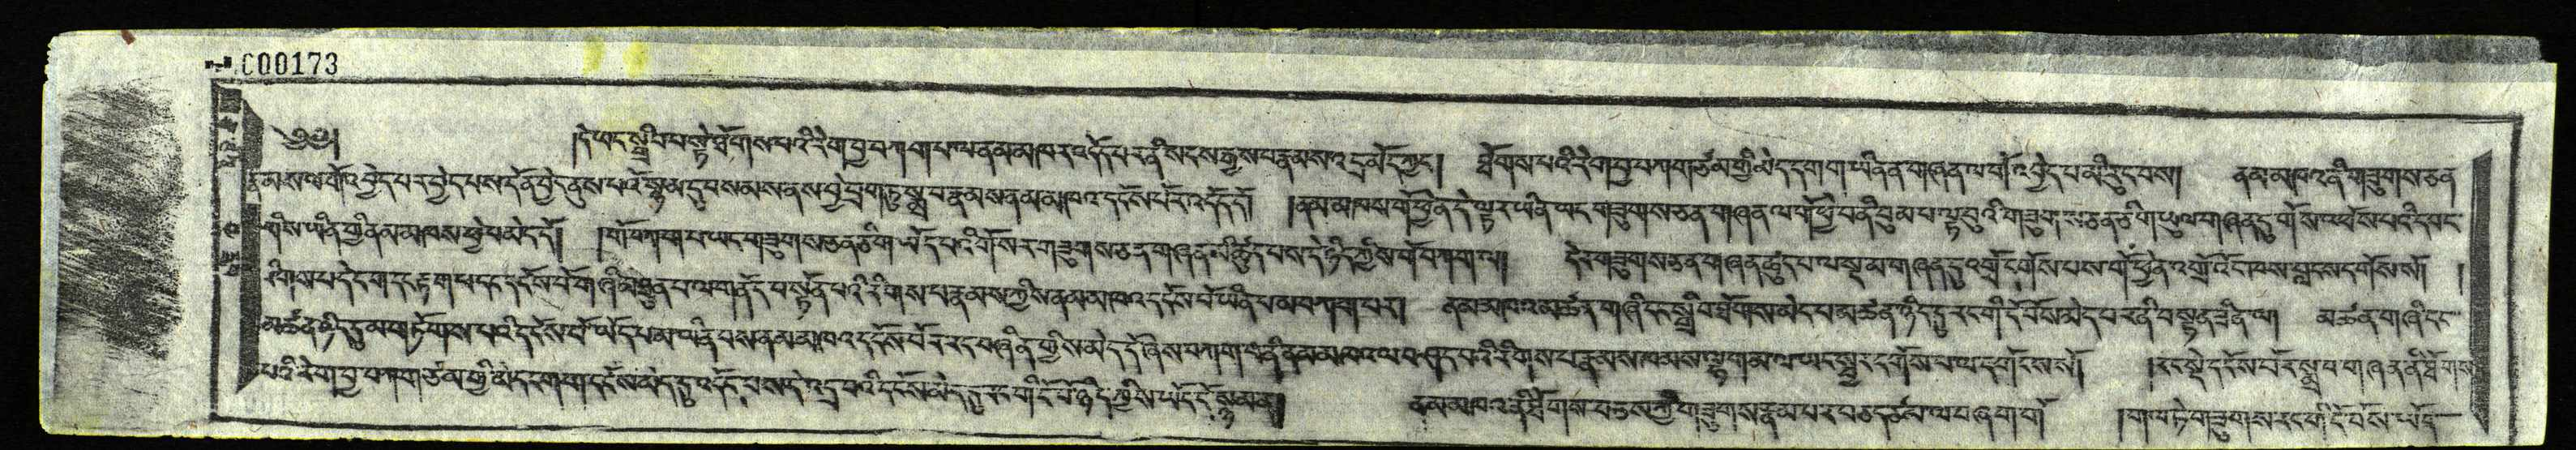༄༅། །དེ་ཡང་སྒྲིབ་པ་སྟེ་ཐོགས་པའི་རེག་བྱ་བཀག་པ་ལ་ནམ་མཁར་འདོད་པར་ནི་སངས་རྒྱས་པ་རྣམས་འདྲ་མོད་ཀྱང་། ཐོགས་པའི་རེག་བྱ་བཀག་ཙམ་གྱི་མེད་དགག་ཡིན་ན་གཞན་ལ་གོ་འབྱེད་པ་མི་རུང་བས། ནམ་མཁའ་ནི་གཟུགས་ཅན་
རྣམས་ལ་གོ་འབྱེད་པར་བྱེད་པས་དོན་བྱེད་ནུས་པའོ་སྙམ་དུ་བསམས་ནས་བྱེ་བྲག་ཏུ་སྨྲ་བ་རྣམས་ནམ་མཁའ་དངོས་པོར་འདོད་དོ། །ནམ་མཁས་གོ་ཕྱེ་ན་དེ་ལྟར་ཡིན་ཡང་གཟུགས་ཅན་གཞན་ལ་གོ་ཕྱེ་བ་ནི་བུམ་པ་ལྟ་བུའི་གཟུགས་ཅན་ཅིག་ཡུལ་གཞན་དུ་གོས་འཕོས་པའི་དབང་
གིས་ཡིན་གྱི་ནམ་མཁས་ཕྱེ་བ་མེད་དོ། །གོ་བཀག་པ་ཡང་གཟུགས་ཅན་ཅིག་ཡོད་པའི་གོ་སར་གཟུགས་ཅན་གཞན་མི་ཚུད་པས་དེ་ཉིད་ཀྱིས་གོ་བཀག་ལ། དེར་གཟུགས་ཅན་གཞན་ཚུད་པ་ལ་སྔ་མ་གཞན་དུ་འགྲོ་དགོས་པས་གོ་ཕྱེ་ན་འགྲོ་འོང་ཁས་བླངས་དགོས་སོ། །
རིགས་པ་དེ་དག་དང་རྟག་པ་དང་དངོས་པོ་གཞི་མཐུན་པ་ལ་གནོད་པ་སྟོན་པའི་རིགས་པ་རྣམས་ཀྱིས་ནམ་མཁའ་དངོས་པོ་ཡིན་པ་མ་བཀག་པར། ནམ་མཁའ་མཚན་གཞི་དང་སྒྲིབ་ཐོགས་མེད་པ་མཚན་ཉིད་དུ་རང་གི་ངོ་བོས་མེད་པར་ནི་བསྟན་ཟིན་ལ། མཚན་གཞི་དང་
མཚན་ཉིད་དུ་མ་གཏོགས་པའི་དངོས་པོ་ཡོད་པ་མ་ཡིན་པས་ནམ་མཁའ་དངོས་བོར་རང་བཞིན་གྱིས་མེད་དོ་ཞེས་བཀག་པ་ནི་ནམ་མཁའ་ལ་བཤད་པའི་རིགས་པ་རྣམས་ཁམས་ལྷག་མ་ལ་ཡང་སྦྱར་དགོས་པ་ལ་དགོངས་སོ། །རང་སྡེ་དངོས་པོར་སྨྲ་བ་གཞན་ནི་ཐོགས་
པའི་རེག་བྱ་བཀག་ཙམ་གྱི་མེད་དགག་དངོས་མེད་དུ་འདོད་པས་དེ་འདྲ་བའི་དངོས་མེད་དུ་རང་གི་ངོ་བོ་ཉིད་ཀྱིས་ཡོད་དོ་སྙམ་ན། ནམ་མཁའ་ནི་ཐོགས་བཅས་ཀྱི་གཟུགས་རྣམ་པར་བཅད་ཙམ་ལ་བཞག་གོ །གལ་ཏེ་གཟུགས་རང་གི་ངོ་བོས་ཡོད་ན་དེའི་ཚེ་བར་སྣང་ལྟ་བུར་ཐོགས་བཅས་ཀྱི་གཟུགས་བཀག་ཙམ་ཡིད་རང་གི་ངོ་བོས་ཡོད་པར་འགྱུར་ན་ཡང་སྔར་བཤད་པའི་རིགས་པས་གཟུགས་ཀྱི་དངོས་པོ་ངོ་བོ་ཉིད་ཀྱིས་ཡོད་པ་མ་ཡིན་